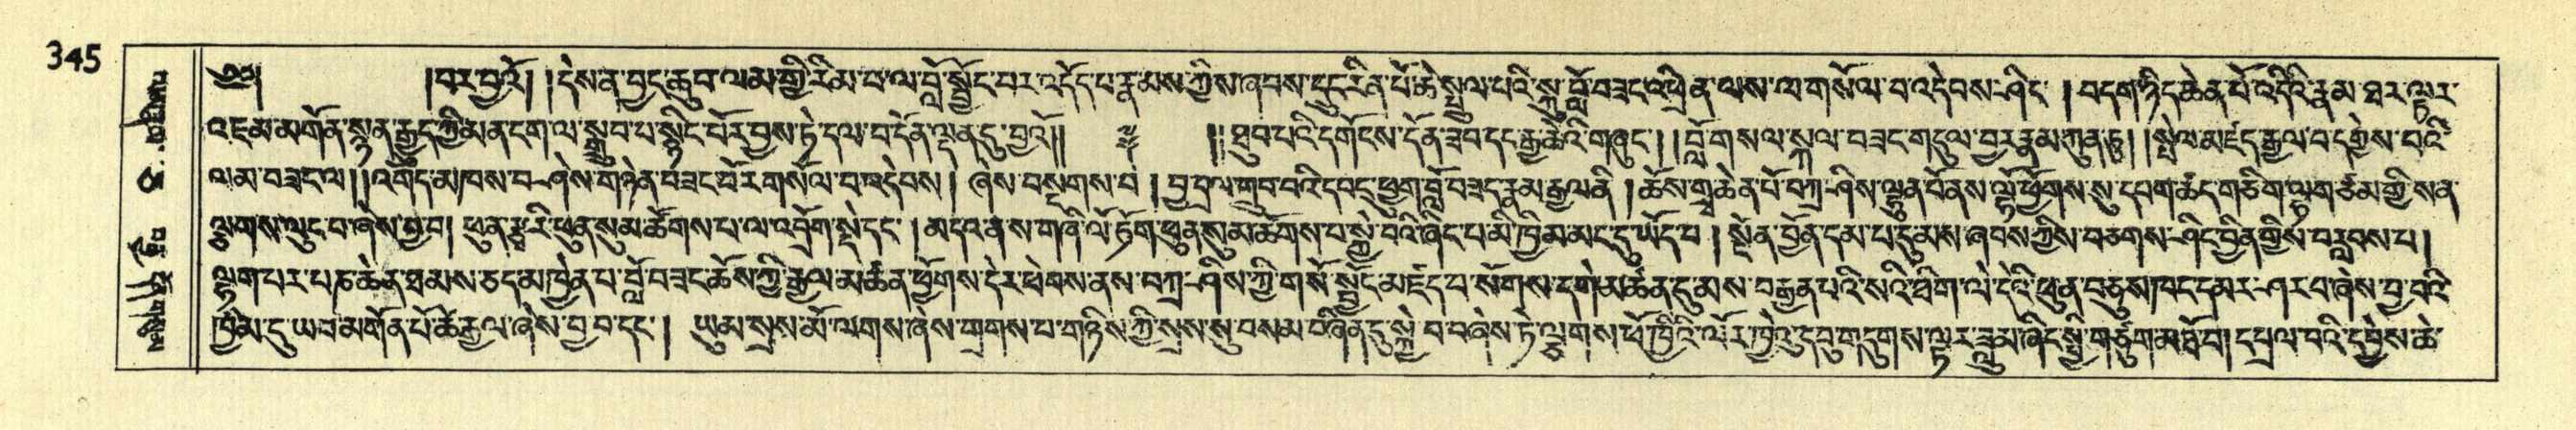༄༅། །པར་བྱའོ། །དེས་ན་བྱང་ཆུབ་ལམ་གྱི་རིམ་པ་ལ་བློ་སྦྱོང་བར་འདོད་པ་རྣམས་ཀྱིས་ཞབས་དྲུང་རིན་པོ་ཆེ་སྤྲུལ་པའི་སྐུ་བློ་བཟང་འཕྲིན་ལས་ལ་གསོལ་བ་འདེབས་ཤིང་། བདག་ཉིད་ཆེན་པོ་འདིའི་རྣམ་ཐར་ལྟར་
འཇམ་མགོན་སྙན་རྒྱུད་ཀྱི་མན་ངག་ལ་སྒྲུབ་པ་སྙིང་པོར་བྱས་ཏེ་དལ་བ་དོན་ལྡན་དུ་བྱའོ།། ༈ །།ཐུབ་པའི་དགོངས་དོན་ཟབ་དང་རྒྱ་ཆེའི་གཞུང་། །བློ་གསལ་སྐལ་བཟང་གདུལ་བྱར་རྣམ་ཀུན་ཏུ། །སྤེལ་མཛད་རྒྱལ་བ་དགྱེས་པའི་
ལམ་བཟང་ལ། །འགོད་མཁས་བཤེས་གཉེན་བཟང་པོར་གསོལ་བ་འདེབས། ཞེས་བསྔགས་པ། བྱ་བྲལ་གྲུབ་པའི་དབང་ཕྱུག་བློ་བཟང་རྣམ་རྒྱལ་ནི་།ཆོས་གྲྭ་ཆེན་པོ་བཀྲ་ཤིས་ལྷུན་པོ་ནས་ལྷོ་ཕྱོགས་སུ་དཔག་ཚད་གཅིག་ལྷག་ཙམ་གྱི་སན་
ལྕགས་ལུང་པ་ཞེས་བྱ་བ། ཕུན་རྩྭ་རི་ཕུན་སུམ་ཚོགས་པ་ལ་འབྲོག་སྡེ་དང་།མདའ་ནས་གཞི་ལོ་ཏོག་ཕུན་སུམ་ཚོགས་པ་སྐྱེ་བའི་ཞིང་པ་མི་ཁྱིམ་མང་དུ་ཡོད་པ་།སྔོན་བྱོན་དམ་པ་དུ་མས་ཞབས་ཀྱིས་བཅགས་ཤིང་བྱིན་གྱིས་བརླབས་པ།
ལྷག་པར་པཎ་ཆེན་ཐམས་ཅད་མཁྱེན་པ་བློ་བཟང་ཆོས་ཀྱི་རྒྱལ་མཚན་ཕྱོགས་དེར་ཕེབས་ནས་བཀྲ་ཤིས་ཀྱི་གསོ་སྦྱོང་མཛད་པ་སོགས་དགེ་མཚན་དུ་མས་བརྒྱན་པའི་སའི་ཐིག་ལེ་དེའི་ཕུན་བཅུས་ཁང་དམར་ཤར་བ་ཞེས་བྱ་བའི་
ཁྱིམ་དུ་ཡབ་མགོན་པོ་ཚེ་རྒྱལ་ཞེས་བྱ་བ་དང་། ཡུམ་སྲས་མོ་ལགས་ཞེས་གྲགས་པ་གཉིས་ཀྱི་སྲས་སུ་བསམ་བཞིན་དུ་སྐྱེ་བ་བཞེས་ཏེ་ལྕགས་ཕོ་ཁྱིའི་ལོར་ཁྱེའུ་དབུ་གདུགས་ལྟར་ཟླུམ་ཞིང་སྤྱི་གཙུག་མཐོ་བ། དཔྲལ་བའི་དབྱེས་ཆེ་